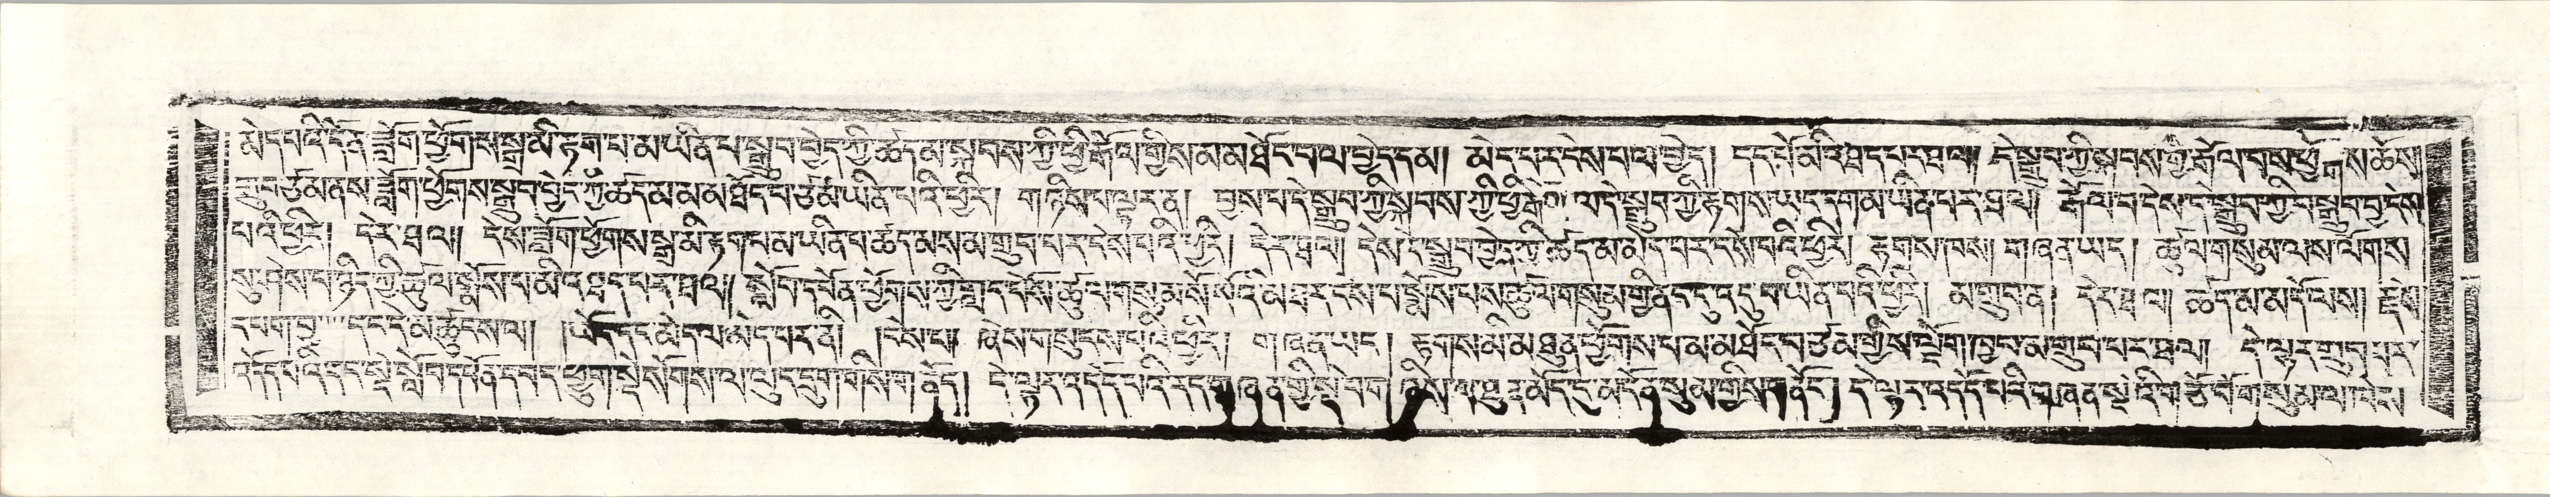མེད་པའི་དོན་ཟློག་ཕྱོགས་སྒྲ་མི་རྟག་པ་མ་ཡིན་པ་སྒྲུབ་བྱེད་ཀྱི་ཚད་མ་སྐབས་ཀྱི་ཕྱི་རྒོལ་གྱིས་མ་མཐོང་བ་ལ་བྱེད་དམ། མེད་པར་ངེས་པ་ལ་བྱེད། དང་པོ་མི་འཐད་པར་ཐལ། དེ་སྒྲུབ་ཀྱི་སྐབས་གྱི་རྒོལ་བས་ཕྱོགས་ཆོས་
གྲུབ་ཙམ་ནས་ཟློག་ཕྱོགས་སྒྲུབ་བྱེད་ཀྱི་ཚད་མ་མ་མཐོང་བ་ཙམ་ཡིན་པའི་ཕྱིར། གཉིས་པ་ལྟར་ན། བྱས་པ་དེ་སྒྲུབ་ཀྱི་སྐབས་ཀྱི་ཕྱི་རྒོལ་ལ་དེ་སྒྲུབ་ཀྱི་རྟགས་ཡང་དག་མ་ཡིན་པར་ཐལ། རྒོལ་བ་དེས་དེ་སྒྲུབ་ཀྱི་བསྒྲུབ་བྱ་ངེས་
པའི་ཕྱིར། དེར་ཐལ། དེས་ཟློག་ཕྱོགས་སྒྲ་མི་རྟག་པ་མ་ཡིན་པ་ཚད་མས་མ་གྲུབ་པར་ངེས་པའི་ཕྱིར། དེར་ཐལ། དེས་དེ་སྒྲུབ་བྱེད་ཀྱི་ཚད་མ་མེད་པར་ངེས་པའི་ཕྱིར། རྟགས་ཁས། གཞན་ཡང་། ཚུལ་གསུམ་ལས་ལོགས་
སུ་ཤེས་པ་ཉིད་ཀྱི་ཚུལ་སྨོས་པ་མི་འཐད་པར་ཐལ། སློབ་དཔོན་ཕྱོགས་ཀྱི་གླང་པོས་ཚུལ་གསུམ་སོ་སོའི་མཐར་ངེས་པ་སྨྲས་པས་ཚུལ་གསུམ་གྱི་ནང་དུ་འདུ་བ་ཡིན་པའི་ཕྱིར། མ་གྲུབ་ན། དེར་ཐལ། ཚད་མ་མདོ་ལས། རྗེས་
དཔག་བྱ་དང་དེ་མཚུངས་ལ། །ཡོད་དང་མེད་ལ་མེད་པར་ནི། །ངེས་པ། ཞེས་གསུངས་པའི་ཕྱིར། གཞན་ཡང་། རྟགས་མི་མཐུན་ཕྱོགས་ལ་མ་མཐོང་བ་ཙམ་གྱིས་ལྡོག་ཁྱབ་མ་གྲུབ་པར་ཐལ། དེ་ལྟར་གྲུབ་པར་
འདོད་པའི་རང་སྡེ་སློབ་དཔོན་དབང་ཕྱུག་སྡེ་སོགས་ལ་ལུང་དྲུག་གིས་གནོད། དེ་ལྟར་འདོད་པའི་རང་གཞན་གྱི་སྡེ་བ་གཉིས་ལ་ཐུན་མོང་དུ་མངོན་སུམ་གྱིས་གནོད། དེ་ལྟར་འདོད་པའི་གཞན་སྡེའི་གཙོ་བོ་གསུམ་ལ་ཁས་